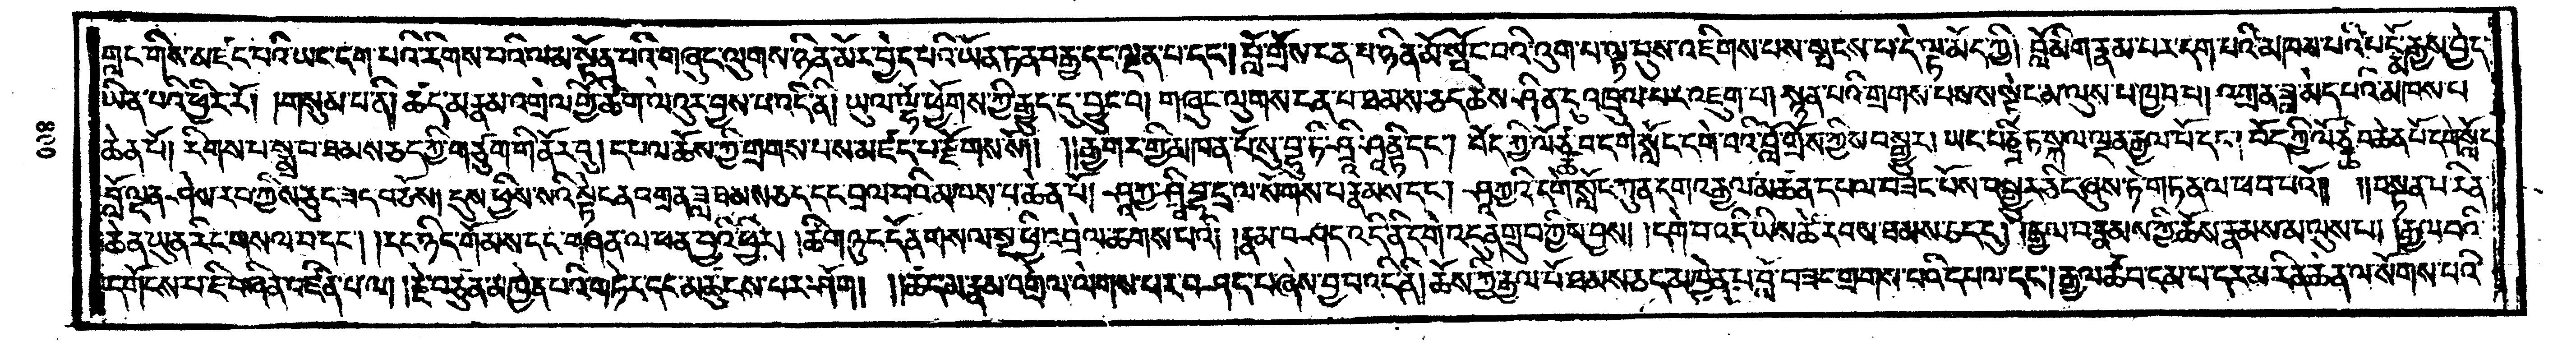གླང་གིས་མཛད་པའི་ཡང་དག་པའི་རིགས་པའི་ལ་མ་སྟོན་པའི་གཞུང་ལུགས་ཉིན་མོར་བྱེད་པའི་ཡོན་ཏན་བརྒྱ་དང་ལྡན་པ་དང་། བློ་གྲོས་ངན་པ་ཉིན་མོ་སྤོང་བའི་འུག་པ་ལྟ་བུས་འཇིགས་པས་སྤངས་པ་དེ་ལྟ་མོད་ཀྱི། བློ་མིག་རྣམ་པར་དག་པའི་མཁས་པའི་པདམོ་རྒྱས་བྱེད་
ཡིན་པའི་ཕྱིར་རོ། །གསུམ་པ་ནི། ཚད་མ་རྣམ་འགྲེལ་གྱི་ཚིག་ལེའུར་བྱས་པ་འདི་ནི། ཡུལ་ལྷོ་ཕྱོགས་ཀྱི་རྒྱུད་དུ་བྱུང་བ། གཞུང་ལུགས་ངན་པ་ཐམས་ཅད་ཆེས་ཤིན་དུ་འཁྲུལ་པར་འཇུག་པ། སྙན་པའི་གྲགས་པས་ས་སྟེང་མ་ལུས་པ་ཁྱབ་པ། འགྲན་ཟླ་མེད་པའི་མཁས་པ་
ཆེན་པོ། རིགས་པ་སྨྲ་བ་ཐམས་ཅད་ཀྱི་གཙུག་གི་ནོར་བུ། དཔལ་ཆོས་ཀྱི་གྲགས་པས་མཛད་པ་རྫོགས་སོ།། །།རྒྱ་གར་གྱི་མཁན་པོ་སུ་བྷུ་ཏི་ཤྲཱི་ཤཱནྟི་དང་། བོད་ཀྱི་ལོ་ཙྪ་བ་དགེ་སློང་དགེ་བའི་བློ་གྲོས་ཀྱིས་བསྒྱུར། ཡང་པཎྜི་ཏ་སྐལ་ལྡན་རྒྱལ་པོ་དང་། བོད་ཀྱི་ལོ་ཙྪ་བ་ཆེན་པོ་དགེ་སློང་
བློ་ལྡན་ཤེས་རབ་ཀྱིས་ཅུང་ཟད་བཅོས། དུས་ཕྱིས་སའི་སྟེང་ན་འགྲན་ཟླ་ཐམས་ཅད་དང་བྲལ་བའི་མཁས་པ་ཆེན་པོ། ཤཱཀྱ་ཤྲཱི་བྷ་དྲ་ལ་སོགས་པ་རྣམས་དང་། ཤཱཀྱའི་དགེ་སློང་ཀུན་དགའ་རྒྱལ་མཚན་དཔལ་བཟང་པོས་བསྒྱུར་ཅིང་ཞུས་ཏེ་གཏན་ལ་ཕབ་པའོ།། །།བསྟན་པ་རིན་
ཆེན་ཡུན་རིང་གསལ་བ་དང་། །རང་ཉིད་གོམས་དང་གཞན་ལ་ཕན་བྱའི་ཕྱིར། །ཚིག་ཉུང་དོན་གསལ་སྔ་ཕྱི་འབྲེལ་ཆགས་པའི། །རྣམ་བཤད་འདི་ནི་དགེ་འདུན་གྲུབ་ཀྱིས་བྱས། །དགེ་བ་འདི་ཡིས་ཚེ་རབས་ཐམས་ཅད་དུ། །རྒྱལ་བ་རྣམས་ཀྱི་ཆོས་རྣམས་མ་ལུས་པ། རྒྱལ་བའི་
དགོངས་པ་ཇི་བཞིན་འཛིན་པ་ལ། །རྗེ་བཙུན་མཁྱེན་པའི་གཏེར་དང་མཚུངས་པར་ཤོག། །ཚད་མ་རྣམ་འགྲེལ་ལེགས་པར་བཤད་པ་ཞེས་བྱ་བ་འདི་ནི། ཆོས་ཀྱི་རྒྱལ་པོ་ཐམས་ཅད་མཁྱེན་པ་བློ་བཟང་གྲགས་པའི་དཔལ་དང་། རྒྱལ་ཚབ་དམ་པ་དར་མ་རིན་ཆེན་ལ་སོགས་པའི་